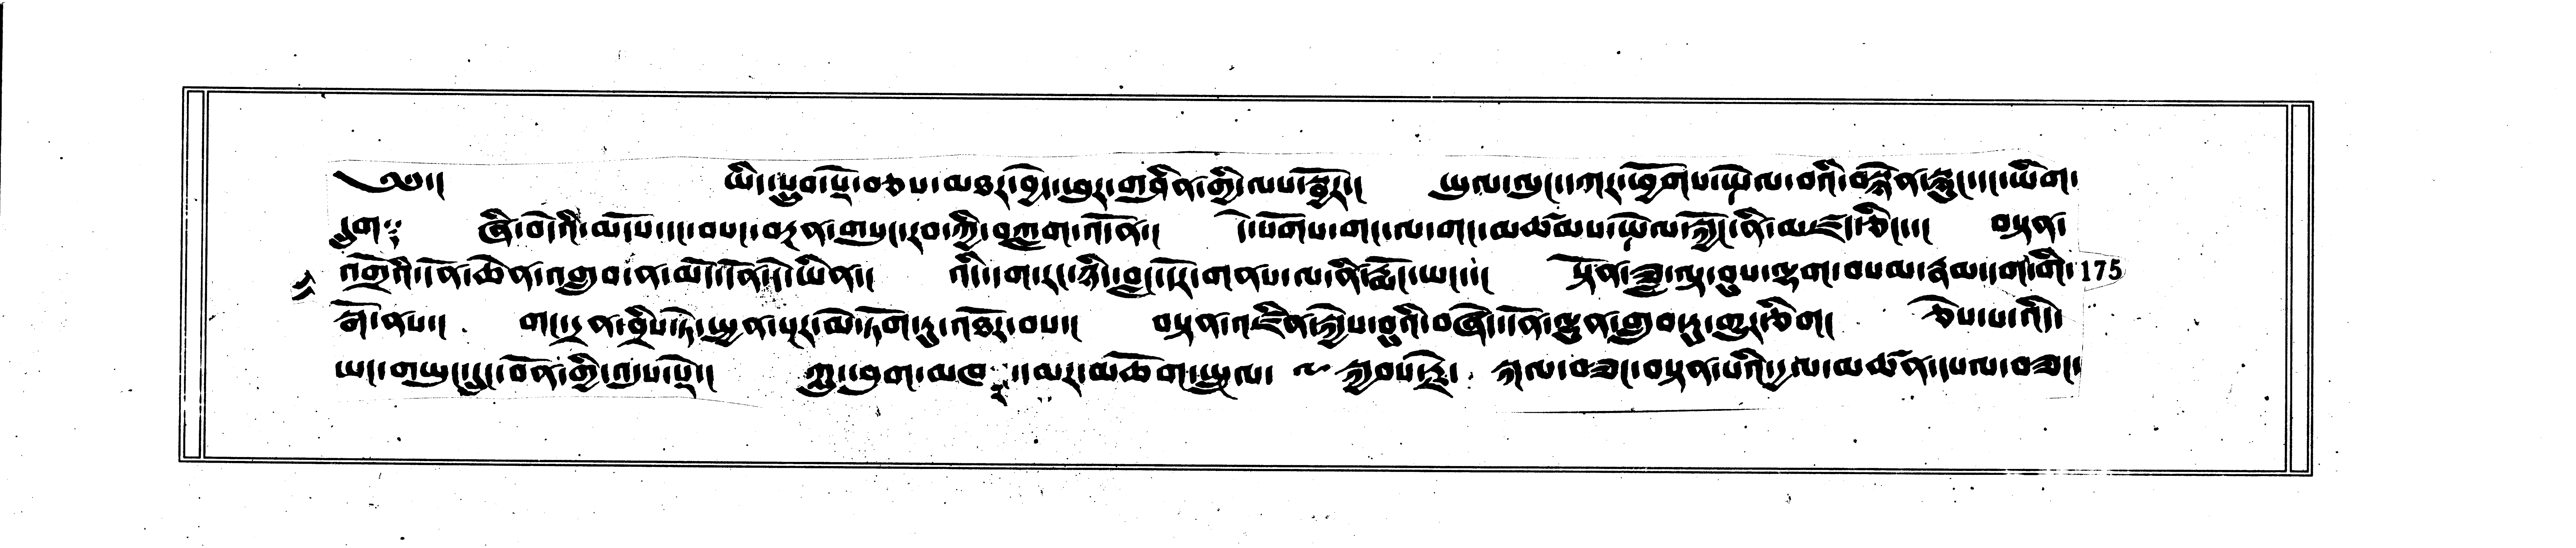ཡིད་སྲུབ་སྡེ་བཅས་མཐར་བྱེད་ཕུར་གཤིན་གྱི་ལས་སྦྱོར། །ཡུལ་ལུང་དཀར་ཕྱོགས་སྤེལ་བའི་བསྙེན་བསྙུང་དང་ཡིག་
དྲུག །ཞི་བདེའི་མདོས་དང་བསང་བརྔན་གསུང་རབ་ཀྱི་བཀླག་འདོན། །དེ་སོགས་གང་ལ་གང་འཚམས་སྤེལ་སྐྱོང་ནི་མཛད་ཅིང་། །བསྟན་
འགྲོའི་དོན་ཆེན་འགྲུབ་ན་མདོ་དོན་ནི་དེ་ཡིན། །འདི་དག་རང་ཉིད་བླང་དོར་གནས་ལ་ནི་རྨོངས་ཡང་། །སྟོན་ཟླ་ལྟ་བུའི་ལྷག་བསམ་རྣམ་དག་གི་
སྒོ་ནས། །གང་དྲན་བྲིས་ཏེ་སྤྱན་སྔར་མེ་ཏོག་ཏུ་འཐོར་བས། །བསྟན་འཛིན་སྐྱེས་བུའི་བཞེད་དོན་ལྷུན་གྲུབ་ཏུ་གྱུར་ཅིག། །།ཅེས་པ་འདི་
གཡུང་དྲུང་བོན་གྱི་འདུས་སྡེ། ཀླུ་ཕུག་མཁར་དམར་མཆོག་སྤྲུལ་༧སྐྱབས་རྗེ་སྐལ་བཟང་བསྟན་པའི་རྒྱལ་མཚན་དཔལ་བཟང་